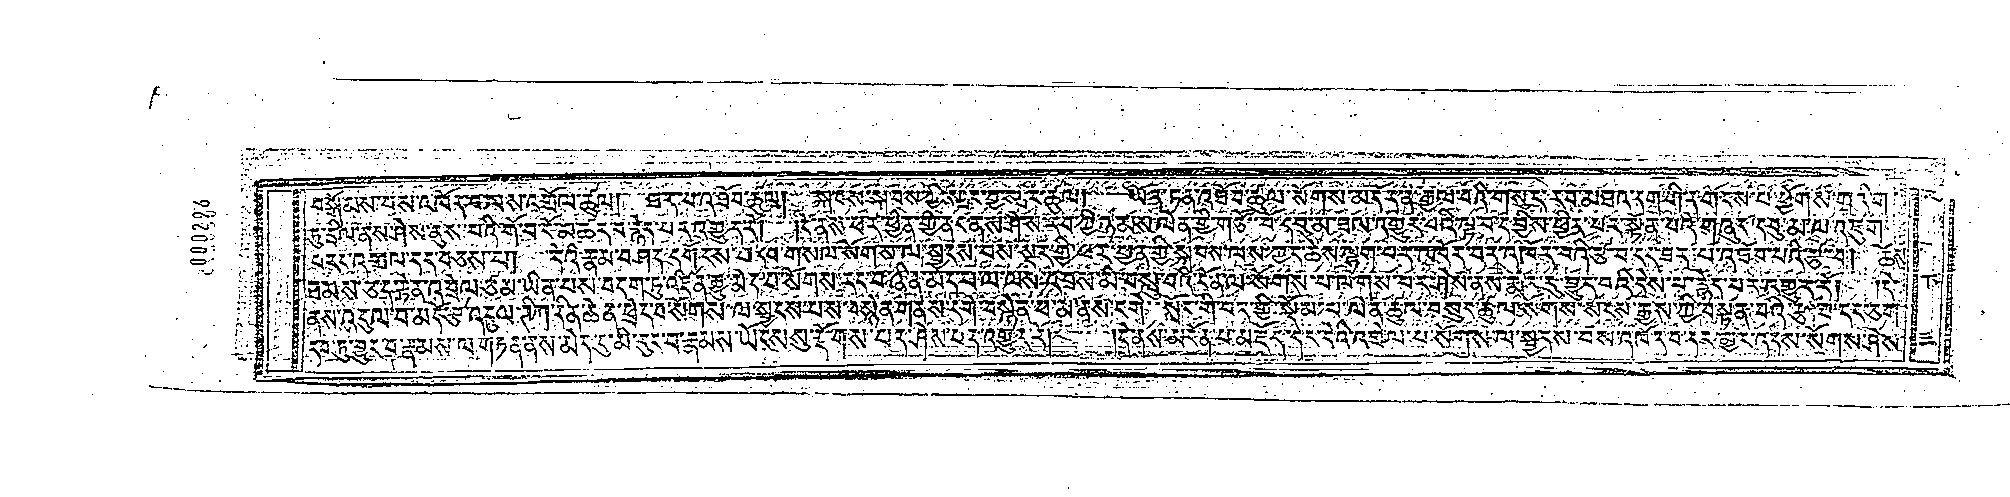བསྒོམས་པས་འཁོར་བ་ལས་འགྲོལ་ཚུལ། ཐར་པ་འཐོབ་ཚུལ། སྐབས་སྐབས་ཀྱི་སྤང་བྱ་སྤང་ཚུལ། ཡོན་ཏན་འཐོབ་ཚུལ་སོགས་མདོར་ན་རྒྱལ་བའི་གསུང་རབ་མཐའ་དག་གི་དགོངས་པ་ཕྱོགས་གཅིག་
ཏུ་དྲིལ་ནས་ཤེས་ནུས་པའི་གོ་བ་ངོ་མཚར་བརྙེད་པར་འགྱུར་རོ། །དེ་ནས་ཕར་ཕྱིན་གྱི་ནང་ནས་ཤེས་རབ་ཀྱི་ཉམས་ལེན་གྱི་གཙོ་བོ་དབུ་མ་ཐལ་འགྱུར་པའི་ལྟ་བ་དབྱིས་ཕྱིན་པར་སྟོན་པའི་གཞུང་དབུ་མ་ལ་འཇུག་
པ་རང་འགྲལ་དད་བཅས་པ། དེའི་རྣམ་བཤད་དགོངས་པ་རབ་གསལ་སོགས་ལ་སྦྱངས་བས་སྔར་གྱི་ཕར་ཕྱིན་གྱི་སྐབས་ལས་ཀྱང་ཆེས་ལྷག་པར་འཁོར་བར་འཁོར་བའི་རྩ་བ་དང་ཐར་པ་འཐོབ་པའི་རྩ་བ། ཆོས་
ཐམས་ཅད་རྟེན་འབྲེལ་ཙམ་ཡིན་པས་བདག་ཏུ་འཛིན་རྒྱུ་མེད་པ་སོགས་རང་བཞིན་མེད་པ་ལ་ལས་འབྲས་མི་བསླུ་བའི་དོན་ལ་སོགས་པ་ལེགས་པར་ཤེས་ནས་རྨད་དུ་བྱུང་བའི་དེས་པ་རྙེད་པར་འགྱུར་རོ། །དེ་
ནས་འདུལ་བ་མདོ་རྩ་འདུལ་ཊིཀ་རིན་ཆེན་ཕྲེང་བ་སོགས་ལ་སྦྱངས་པས་བསྙེན་གནས་དགེ་བསྙེན་ཕ་མ་ནས་དགེ་སློང་གི་བར་གྱི་སྡོམ་པ་ལེན་ཚུལ་བསྲུང་ཚུལ་སོགས་སངས་རྒྱས་ཀྱི་བསྟན་པའི་རྩ་བ་རང་ཅག་
རབ་ཏུ་བྱུང་བ་རྣམས་ལ་གཏན་ནས་མེད་དུ་མི་རུང་བ་རྣམས་ཡོངས་སུ་རྫོགས་པར་ཤེས་པར་འགྱུར་རོ། །དེ་ནས་མངོན་པ་མཇོད་དང་དེའི་འགྲེལ་པ་སོགས་ལ་སྦྱངས་བས་འཁོར་བ་དང་མྱང་འདས་སོགས་ཤེས་